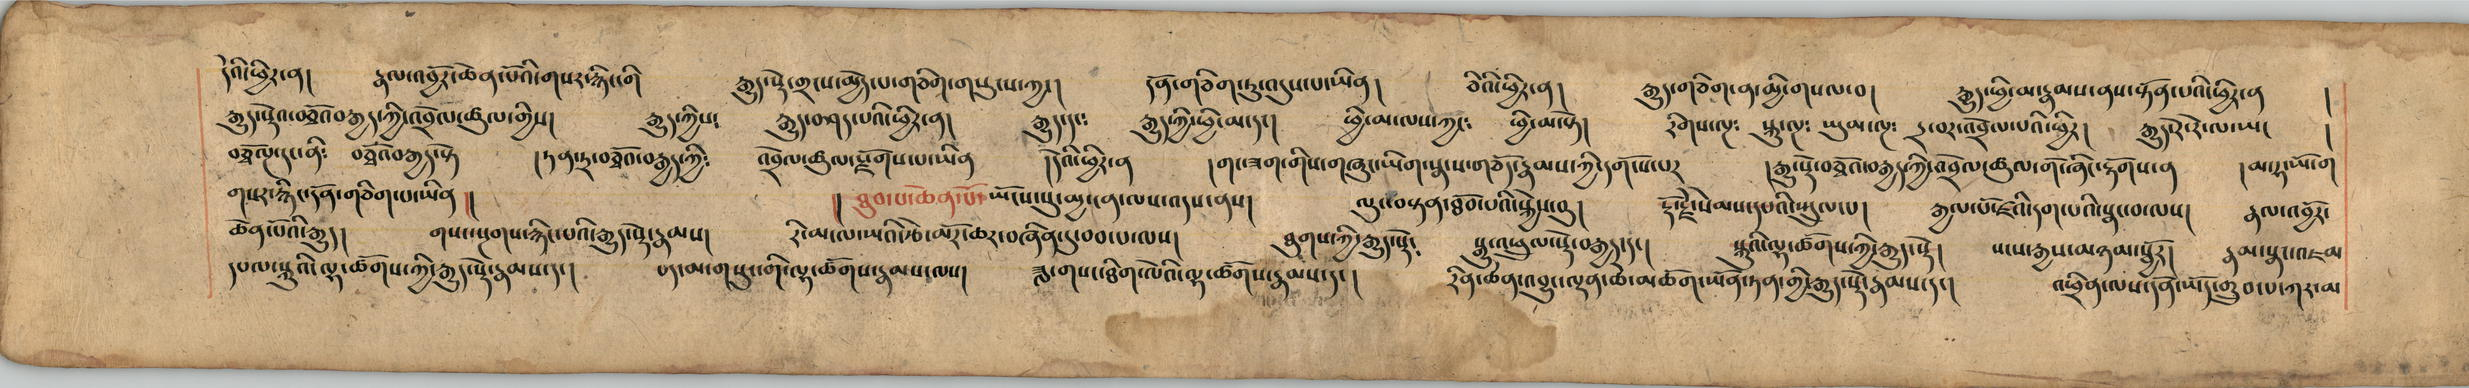དེའི་ཕྱིར་ན། རྣལ་འབྱོར་ཆེན་པོའི་གསར་རྙིང་གི རྒྱུད་སྡེ་གྲངས་མྱེད་པ་གཅིག་གསུངས་ཀྱང། དོན་གཅིག་ཏུ་འདུས་པ་ཡིན། ཅིའི་ཕྱིར་ན། རྒྱུད་གཅིག་ན་མྱི་གསལ་བ། རྒྱུད་ཕྱི་མ་རྣམས་ནས་སྟོན་པའི་ཕྱིར་ན
རྒྱུད་སྡེའ་བཅྭོའ་བརྒྱད་ཀྱི་འབྲེལ་ཚུལ་གྱིས། རྒྱུད་ཀྱིས༴ རྒྱུད་བཤད་པའི་ཕྱིར་ན། རྒྱུད་དང༴ རྒྱུད་ཀྱི་ཕྱི་མ་དང། ཕྱི་མ་ལས་ཀྱང༴ ཕྱི་མ་སྟེ། རིགས་ལྔ༴ སྐུ་ལྔ༴ ཡུམ་ལྔ༴ དྲ་བར་འབྲེལ་པའི་ཕྱིར། རྒྱུད་རེ་རེ་ལ་ཡང
བཅྭོ་ལྔ་དང་ནི༴ བཅྭོའ་བརྒྱད་སྟེ །ཏན་ཏྲ་བཅྭོའ་བརྒྱད་ཀྱི༴ འབྲེལ་ཚུལ་སྫོགས་པ་ཡིན །དེའི་ཕྱིར་ན །གང་ཟག་གིས་གཞུང་ཡིག་སྣ་ས་གཅོད་རྣམས་ཀྱི་དགོངས་པར །རྒྱུད་སྡེ་བཅྭོའ་བརྒྱད་ཀྱི་འབྲེལ་ཚུལ་གོ་ཞིང་རྟོགས་ན །མ་ཧ་ཡོ་ག
གསར་རྙིང་དོན་གཅིག་པ་ཡིན།། །།ཐུབ་པ་ཆེན་པོ་ཡོངས་སུ་མྱ་ངན་ལས་འདས་ནས། ལུང་བསྟན་ཐོབ་པའི་སྐྱེད་བུ། རྡོ་རྗེ་སེམས་དཔའི་སྤྲུལ་པ། རྒྱལ་པོ་ཛའི་དག་པའི་སྣང་བ་ལས། རྣལ་འབྱོར་
ཆེན་པོའི་རྒྱུད། གསང་སྔགས་རྙིང་པའི་རྒྱུད་སྡེ་རྣམས། རི་མངལ་ཡའི་རྩེ་མོར་ཆར་བཞིན་དུ་བབ་པ་ལས། ཐུགས་ཀྱི་རྒྱུད་སྡེ༴ སྒྱུ་འཕྲུལ་སྡེ་བརྒྱད་དང། སྐུའི་ལྷ་ཚོགས་ཀྱི་རྒྱུད་སྡེ། སངས་རྒྱས་མཉམ་སྦྱོར། རྣམ་སྣང་འཇམ
དཔལ་སྐུའི་ལྷ་ཚོགས་ཀྱི་རྒྱུད་སྡེ་རྣམས་དང། པད་མ་གསུང་གི་ལྷ་ཚོགས་རྣམས་ལས། ཟླ་གསང་ཐིག་ལེའི་ལྷ་ཚོགས་རྣམས་དང། རིན་ཆེན་འབྱུང་ལྡན་ཆེ་མཆོག་ཡོན་ཏན་གྱི་རྒྱུད་སྡེ་རྣམས་དང། འཕྲིན་ལས་དོན་ཡོད་གྲུབ་པ་ཀར་མ